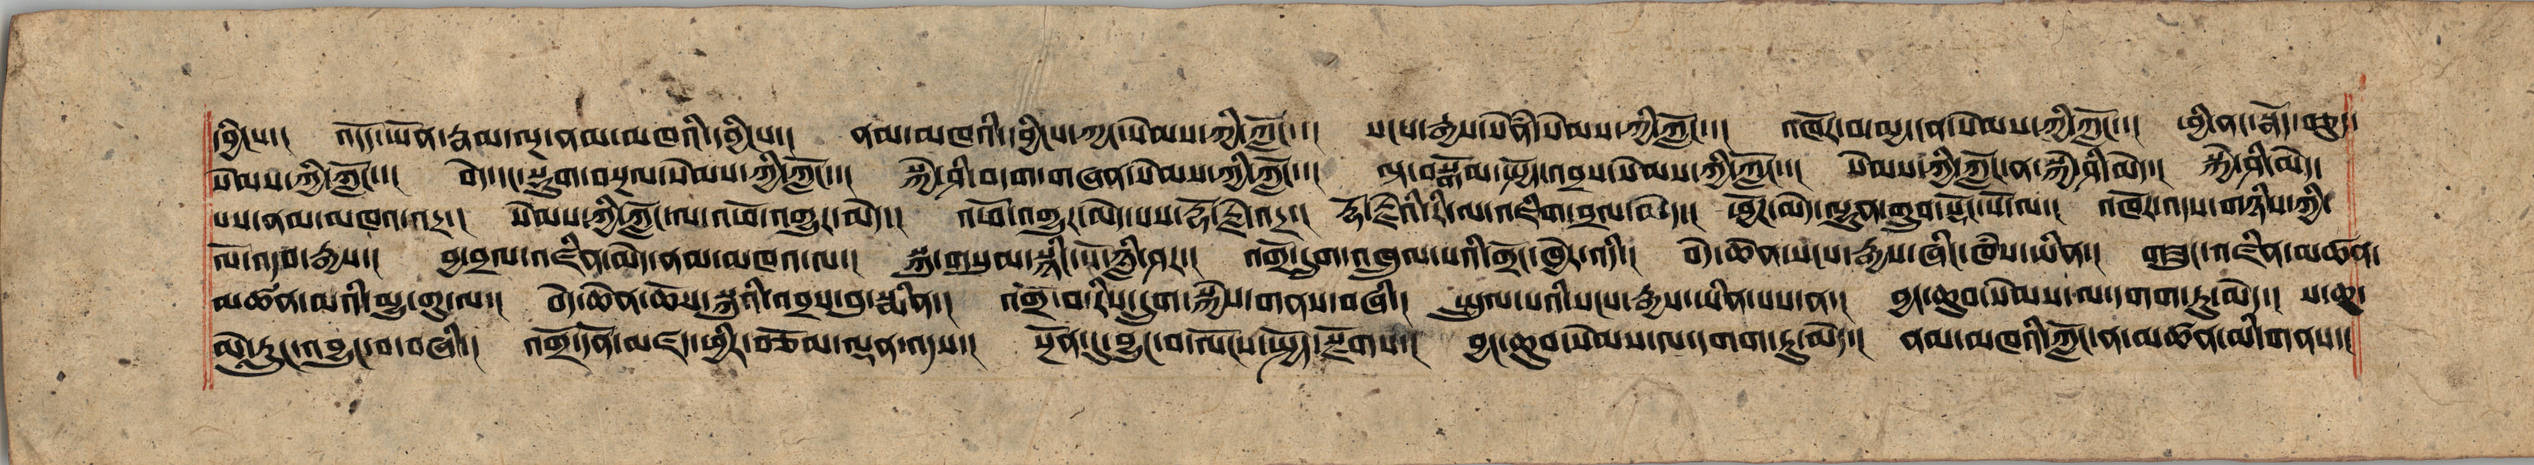དབྱིངས་། འདོད་ཡོན་རྣམ་ལྔ་ནམ་མཁའི་དབྱིངས་། ནམ་མཁའི་དབྱིངས་ཀྱང་སེམས་ཀྱི་ཀློང་་། སངས་རྒྱས་སེཾན་སེམས་ཀྱི་ཀློང་་། འཁོར་བ་མྱ་ངན་སེམས་ཀྱི་ཀློང་་། ཕྱི་ནང་སྣོད་བཅུད་
སེམས་ཀྱི་ཀློང་་། བདེ་དང་སྡུག་བསྔལ་སེམས་ཀྱི་ཀློང་་། སྐྱེ་ཤི་བདག་གཞན་སེམས་ཀྱི་ཀློང་་། ལྟ་བསྒོམ་སྤྱོད་འབྲས་སེམས་ཀྱི་ཀློང་་། སེམས་ཀྱི་ཀློང་ན་སྐྱེ་ཤི་མེད་། སྐྱེ་ཤི་མེད་
པས་ནམ་མཁའ་འདྲ་། སེམས་ཀྱི་ཀློང་ལ་འཕོ་འགྱུར་མེད་། འཕོ་འགྱུར་མེད་པས་རྡོ་རྗེ་འདྲ་། རྡོ་རྗེའི་རི་ལ་འཇིག་བྲལ་མེད་། ཕྱོཌ་མེད་ལྷུན་གྲུབ་སྡོང་པོ་ལ་། འཁོར་འདས་གཉིས་ཀྱི་
ལོ་འདབ་རྒྱས་། བྱ་བྲལ་འཛིན་མེད་ནམ་མཁའ་ལ་། སྐུ་གསུམ་སྙིང་པོ་ཉླི་ཤར་། འགྲོ་དྲུག་འཁྲུལ་པའི་གྲོང་ཁྱེར་འདི་། བདེ་ཆེན་སངས་རྒྱས་ཞིང་ཁཾས་ཡིན་། གཟུང་འཛིན་མཚན་
མཚན་མའི་མྱུ་གུ་ལ་། བདེ་ཆེན་ཆོས་སྐུའི་འབྲས་བུ་སྨིན་། འགྲོ་བ་རིས་དྲུག་སྐྱེས་གནས་བཞི་། སྤྲུལ་པའི་སངས་རྒྱས་ཡིན་པས་ན་། བྱང་ཆུབ་སེམས་ལ་དགག་ཏུ་མེད་། ས་ཆུ་
མེ་རླུང་འབྱུང་བ་བཞི་། འགྲོ་དོན་མཛད་ཕྱིར་བཅོམ་ལྡན་འདས་། སྔོན་དུ་བྱུང་བ་ལོངས་སྤྱོད་སྫོགས་། བྱང་ཆུབ་སེམས་ལ་དགག་ཏུ་མེད་། ནམ་མཁའི་ཀློང་ན་མཚན་མི་གནས་།